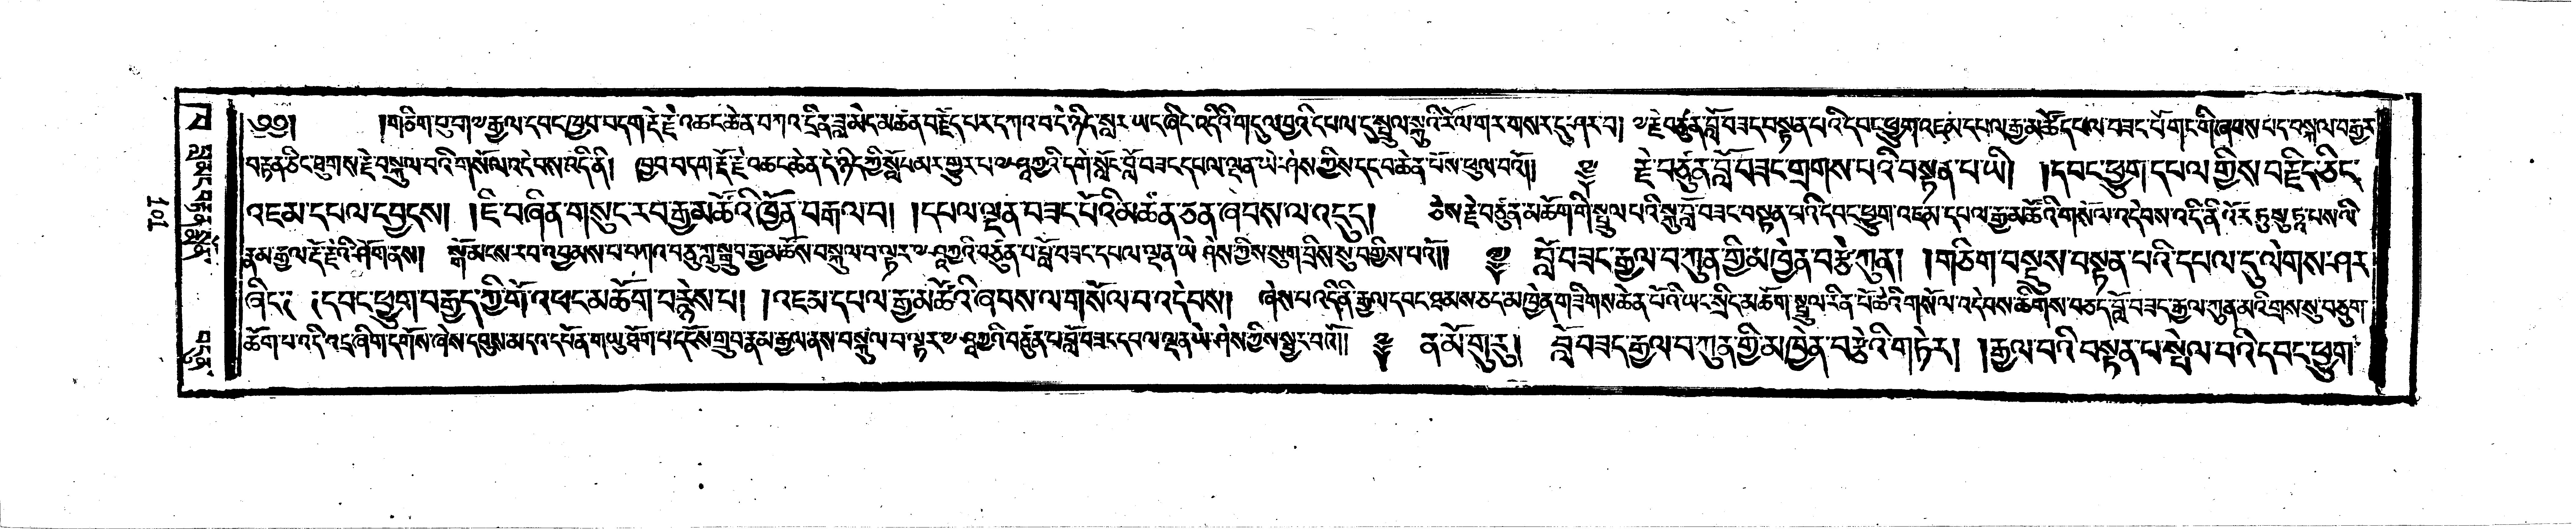༄༅། །གཅིག་པུ་ག་༧་རྒྱལ་དབང་ཁྱབ་བདག་རྡོ་རྗེ་འཆང་ཆེན་བཀའ་དྲིན་ཟླ་མེད་མཚན་བརྗོད་པར་དཀའ་བ་དེ་ཉིད་སླར་ཡང་ཞིང་འདིའི་གདུལ་བྱའི་དཔལ་དུ་སྤྲུལ་སྐུའི་རོལ་གར་གསར་དུ་ཤར་བ། ༧་རྗེ་བཙུན་བློ་བཟང་བསྟན་པའི་དབང་ཕྱུག་འཇམ་དཔལ་རྒྱ་མཚོ་དཔལ་བཟང་པོ་གང་གི་ཞབས་པད་བསྐལ་བརྒྱར་
བརྟན་ཅིང་ཐུགས་རྗེ་བསྐུལ་བའི་གསོལ་འདེབས་འདི་ནི། ཁྱབ་བདག་རྡོ་རྗེ་འཆང་ཆེན་དེ་ཉིད་ཀྱི་སློབ་མར་གྱུར་པ་༧་ཤཱཀྱའི་དགེ་སློང་བློ་བཟང་དཔལ་ལྡན་ཡེ་ཤེས་ཀྱིས་དང་བ་ཆེན་པོས་ཕུལ་བའོ།། ༈ རྗེ་བཙུན་བློ་བཟང་གྲགས་པའི་བསྟན་པ་ཡི། །དབང་ཕྱུག་དཔལ་གྱིས་བརྗིད་ཅིང་
འཇམ་དཔལ་དབྱངས། །ཇི་བཞིན་གསུང་རབ་རྒྱ་མཚོའི་ཁྱོན་བརྒལ་བ། །དཔལ་ལྡན་བཟང་པོའི་མཚན་ཅན་ཞབས་ལ་འདུད། ཅེས་རྗེ་བཙུན་མཆོག་གི་སྤྲུལ་པའི་སྐུ་བློ་བཟང་བསྟན་པའི་དབང་ཕྱུག་འཇམ་དཔལ་རྒྱ་མཚོའི་གསོལ་འདེབས་འདི་ནི་འོར་ཏུ་སུ་ཏཱ་པས་ལི་
རྣམ་རྒྱལ་རྡོ་རྗེའི་ཤོག་ནས། སྒོ་མངས་རབ་འབྱམས་པ་བཀའ་བཅུ་ཀླུ་སྒྲུབ་རྒྱ་མཚོས་བསྐུལ་བ་ལྟར་༧་ཤཱཀྱའི་བཙུན་པ་བློ་བཟང་དཔལ་ལྡན་ཡེ་ཤེས་ཀྱིས་སུག་བྲིས་སུ་བགྱིས་པའོ།། ༈ བློ་བཟང་རྒྱལ་བ་ཀུན་གྱི་མཁྱེན་བརྩེ་ཀུན། །གཅིག་བསྡུས་བསྟན་པའི་དཔལ་དུ་ལེགས་ཤར་
ཞིང༑ ༑དབང་ཕྱུག་བརྒྱད་ཀྱི་གོ་འཕང་མཆོག་བརྙེས་པ། །འཇམ་དཔལ་རྒྱ་མཚོའི་ཞབས་ལ་གསོལ་བ་འདེབས། ཞེས་པ་འདི་ནི་རྒྱལ་དབང་ཐམས་ཅད་མཁྱེན་གཟིགས་ཆེན་པོའི་ཡང་སྲིད་མཆོག་སྤྲུལ་རིན་པོ་ཆེའི་གསོལ་འདེབས་ཚིགས་བཅད་བློ་བཟང་རྒྱལ་ཀུན་མའི་གྲགས་སུ་བཅུག་
ཆོག་པ་འདི་འདྲ་ཞིག་དགོས་ཞེས་དབུས་མདའ་དཔོན་གཡུ་ཐོག་པ་དངོས་གྲུབ་རྣམ་རྒྱལ་ནས་བསྐུལ་བ་ལྟར་༧་ཤཱཀྱའི་བཙུན་པ་བློ་བཟང་དཔལ་ལྡན་ཡེ་ཤེས་ཀྱིས་སྦྱར་བའོ།། ༈ ན་མོ་གུ་རུ། བློ་བཟང་རྒྱལ་བ་ཀུན་གྱི་མཁྱེན་བརྩེའི་གཏེར། །རྒྱལ་བའི་བསྟན་པ་སྤེལ་བའི་དབང་ཕྱུག་